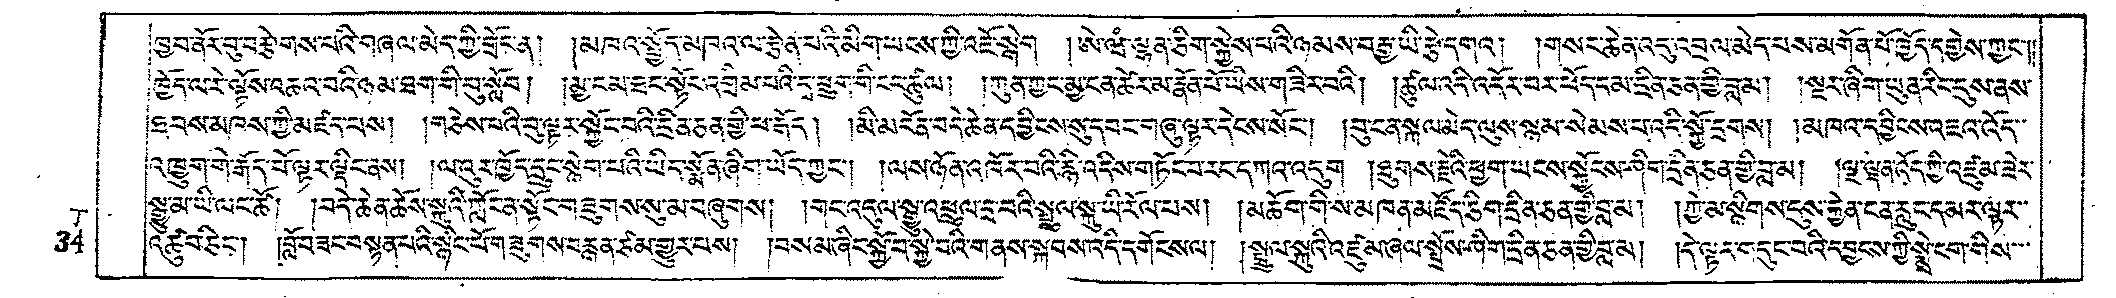ཁྱབ་ནོར་བུ་བརྩེགས་པའི་གཞལ་མེད་ཀྱི་གྲོང་ན། །མཁའ་སྤྱོད་མཁའ་ལ་རྩེན་པའི་མིག་ཡངས་ཀྱི་འཇོ་སྒེག །ཨེ་ཝཾ་ལྷན་ཅིག་སྐྱེས་པའི་ཉམས་བརྒྱ་ཡི་རྩེ་དགའ། །གསང་ཆེན་འདུ་འབྲལ་མེད་པས་མགོན་པོ་ཁྱོད་དགྱེས་ཀྱང།།
ཁྱོད་ལ་རེ་ལྟོས་འཆའ་བའི་ཉམ་ཐག་གི་བུ་སློབ། །མྱ་ངམ་ཐང་སྟོང་འགྲིམ་པའི་དྭ་ཕྲུག་གི་ངང་ཚུལ། །ཀུན་ཀྱང་མྱ་ངན་ཚེར་མ་རྣོན་པོ་ཡིས་གཟིར་བའི། །ཚུལ་འདི་འདོར་བར་ཕོད་དམ་དྲིན་ཅན་གྱི་བླ་མ། །སྔར་ཞིག་ཡུན་རིང་དུས་ནས་
ཐབས་མཁས་ཀྱི་མཛད་པས། །གཅེས་པའི་བུ་ལྟར་སྐྱོང་བའི་དྲིན་ཅན་གྱི་ཕ་རྒོད། །མི་མངོན་བདེ་ཆེན་དབྱིངས་སུ་དབང་གཞུ་ལྟར་དེངས་སོང་། །བུ་ངན་སྐལ་མེད་ལུས་སྙམ་སེམས་པ་འདི་སྐྱོ་དྲགས། །མཁའ་དབྱིངས་འཇའ་འོད་་་
འཁྱུག་གེ་རྒོད་པོ་ལྟར་ལྡིང་ནས། །ལ་འུར་ཁྱོད་དྲུང་སྙེག་པའི་ཡིད་སྨོན་ཞིག་ཡོད་ཀྱང་། །ལས་ཉོན་འཁོར་བའི་རྙི་འདིས་གཏོང་བ་རང་དཀའ་འདུག །ཐུགས་རྗེའི་ཕྱག་ཡངས་སྐྱོངས་ཤིག་དྲིན་ཅན་གྱི་བླ་མ། །ལྔ་ལྡན་འོད་ཀྱི་འཛུམ་ཟེར་
སྒྱུ་མ་ཡི་ལང་ཚོ། །བདེ་ཆེན་ཆོས་སྐུའི་ཀློང་ན་སྟོང་གཟུགས་སུ་མ་བཞུགས། །གང་འདུལ་སྒྱུ་འཕྲུལ་དྲ་བའི་སྤྲུལ་སྐུ་ཡི་རོལ་པས། །མཆོག་གི་ས་མཁན་མཛོད་ཅིག་དྲིན་ཅན་གྱི་བླ་མ། །ཀྱེ་མ་སྙིགས་དུས་རྐྱེན་ངན་རླུང་དམར་ལྟར་་་
འཚུབ་ཅིང་། །བློ་བཟང་བསྟན་པའི་སྙིང་པོ་གཟུགས་བརྙན་ཙམ་གྱུར་པས། །བསམ་ཞིང་སྐྱོ་བ་སྐྱེ་བའི་གནས་སྐབས་འདི་དགོངས་ལ། །སྤྲུལ་སྐུའི་འཛུམ་ཞལ་སྤྲོས་ཤིག་དྲིན་ཅན་གྱི་བླ་མ། །དེ་ལྟར་གདུང་བའི་དབྱངས་ཀྱི་སྨྲེ་ངག་གིས་་་